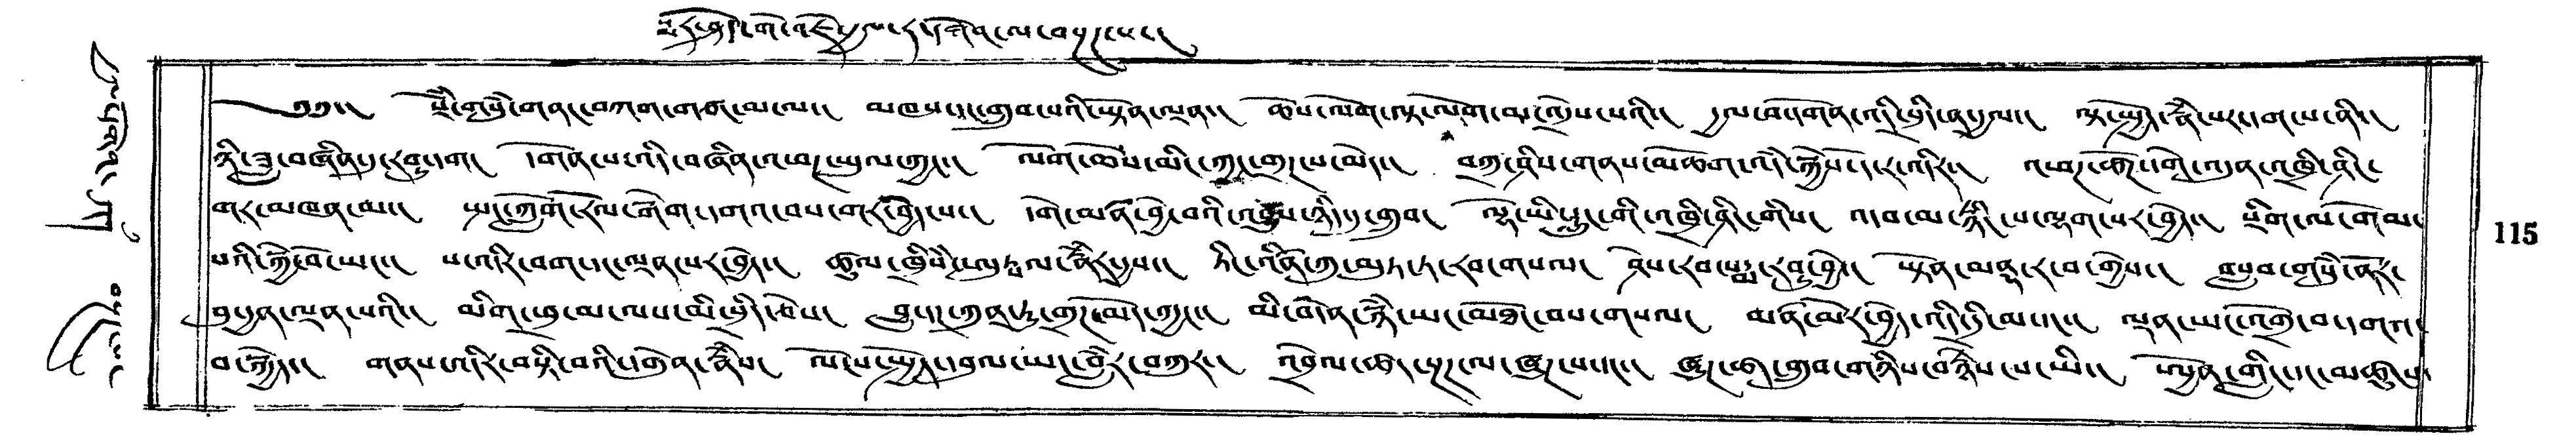སྨར་ཤོད་གོ་འཇོ་རྒྱལ་ར་དགོན་ལ་བསྔགས་པ། སྡོམ་གསུམ་གནང་བཀག་གཙང་མ་ལ། །མཁས་དང་གྲུབ་པའི་ཡོན་ཏན་ལྡན། །ཆོས་ལོག་ལྟ་ལོག་མ་འདྲེས་པའི། །རྒྱལ་བ་དགོན་འདི་སྲིད་ན་རྒྱལ། །ལྟ་སྤྱོད་རྣམ་པར་དག་པ་ནི། །
ཉི་ཟླ་བཞིན་དུ་རབ་ཏུ་དག །དགོན་པ་འདི་བཞིན་འཕགས་ཡུལ་ཡང་། །ལོག་ཆོས་མིང་ཀྱང་གྲགས་པ་མེད། །བཀྲ་ཤིས་གནས་མཆོག་འདམ་སྐྱེས་དོ་ར་འདིར། །འཕགས་ཚོགས་དགེ་འདུན་འཁྲི་ཤིང་
གར་མཁན་མ། །སྤང་ཀློག་རོལ་སྒེག་དགའ་བས་གར་བྱེད་པ། །དགེ་མཚན་བྱེ་བའི་འབྱུང་གནས་ཉིད་དུ་གྲུབ། །ལྷོ་ཡི་རླུང་གི་འཁྲི་ཤིང་གིས། །འདབ་མ་རྙིང་པ་ལྷགས་པར་བྱེད། །སྡིག་ལ་གོམས་
པའི་སྐྱེ་བོ་ཡང་། །ས་འདིར་བག་དང་ལྡན་པར་བྱེད། །ཚུལ་ཁྲིམས་ཨུཏྤལ་རྣམ་པར་རྒྱས། །ཏིང་འཛིན་ཀུ་མུཏ་ཏ་རབ་གསལ། །ཤེས་རབ་པདྨ་རབ་ཏུ་བྱེ། །ཡོན་ཏན་མནྡ་ར་བ་གྱེས། །བསླབ་གསུམ་ནོར་
བུའི་རྒྱན་ལྡན་པའི། །མིག་ཕྲ་མ་ལས་མི་སྲིད་ཅེས། །བླ་དྭགས་ཀུན་ཏུ་གྲགས་མོད་ཀྱང་། །མི་བདེན་སྙམ་ཡང་མཐོང་བས་གསལ། །མཚན་མོར་བྱེད་འདི་དྲི་མ་དང་། །ལྡན་ཡང་འགྲོ་བར་དགའ་
བ་སྐྱེད། །གནས་འདིར་བསྟི་བའི་དགེ་འདུན་རྣམས། །ལོངས་སྤྱོད་དབུལ་ཡང་བླ་མར་བཀུར། །འབྲེལ་ཚད་སྔགས་ལ་ཞུགས་པ་དང་། །ཞུགས་ཚད་གྲུབ་གཉིས་བརྙེས་པ་ཡི། །ཨོ་རྒྱན་གླིང་དང་མཚུངས་